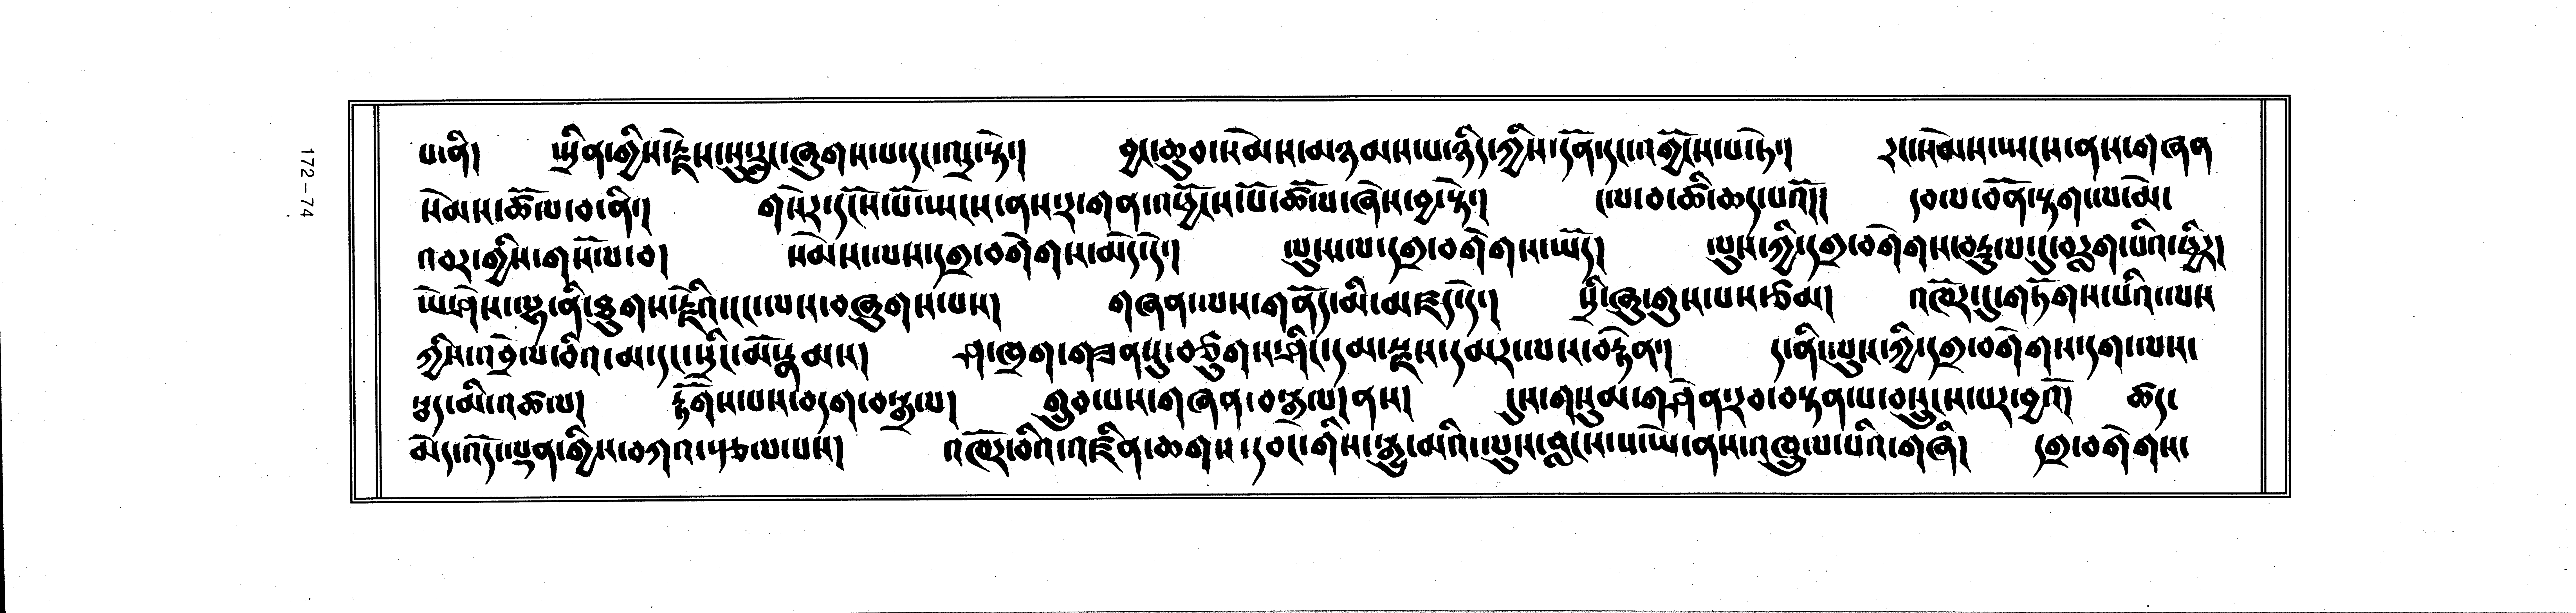པ་ནི། སྤྲིན་གྱིས་རྗེས་སུ་རླུང་ཞུགས་པ་དང་འདྲ་སྟེ། བྱང་ཆུབ་སེམས་མཉམས་པ་ཉིད་ཀྱིས་དོན་དང་འགྱོངས་པ་ཏེ། རང་སེམས་སྤངས་ནས་གཞན་
སེམས་ཚོལ་བ་ནི། གསེར་དངོས་པོ་སྤངས་ནས་ར་གན་འཕྱོངས་པོ་ཚོལ་ཞེས་བྱ་སྟེ། ངལ་བ་ཚི་ཆད་པའོ། དབལ་བོན་སྟག་ལ་མེ་
འབར་གྱིས་གསོལ་བ། སེམས་ལས་དགྲ་བགེགས་མེད་དེ། ལུས་ལ་དགྲ་བེགགས་ཡོད། ལུས་ཀྱི་དགྲ་བེགགས་བརྡུལ་དུ་བརླག་པའི་ཕྱིར། 
ཡེ་ཤེས་ལྷ་ནི་ཐུགས་རྗེའི་ངང་ལས་བཞུགས་པས། གཞན་ལས་གནོད་མི་མཛད་དེ། སྲི་ཞུ་གུས་པས་ཙམ། འཁོར་དུ་གཏོགས་པའི་ལས་
ཀྱིས་འབྲེལ་བའི་མ་དང་སྲིང་མོ་རྣམས། ཤ་ཁྲག་གཟན་དུ་བཙུགས་ཤིང་དམ་རྫས་དམར་ལས་བརྟེན། ད་ནི་ལུས་ཀྱི་དགྲ་བགགས་དག་ལས་
སྦད་མི་འཚལ། རྟོགས་པས་བདག་བསྒྲལ། གྲུབ་པས་གཞན་བསྒྲལ་ནས། དུས་གསུམ་གཤེན་རབ་བསྟན་པ་འབྲུངས་པར་བྱའོ། ཚད་
མེད་འོད་ལྡན་གྱིས་བཀའ་སྩལ་པས། འཁོར་བའི་འཛིན་ཆགས་དབང་གིས་སྒྱུ་མའི་ལུས་བླངས་པ་ཡེ་ནས་འཁྲུལ་པའི་གཞི། དགྲ་བགེགས་